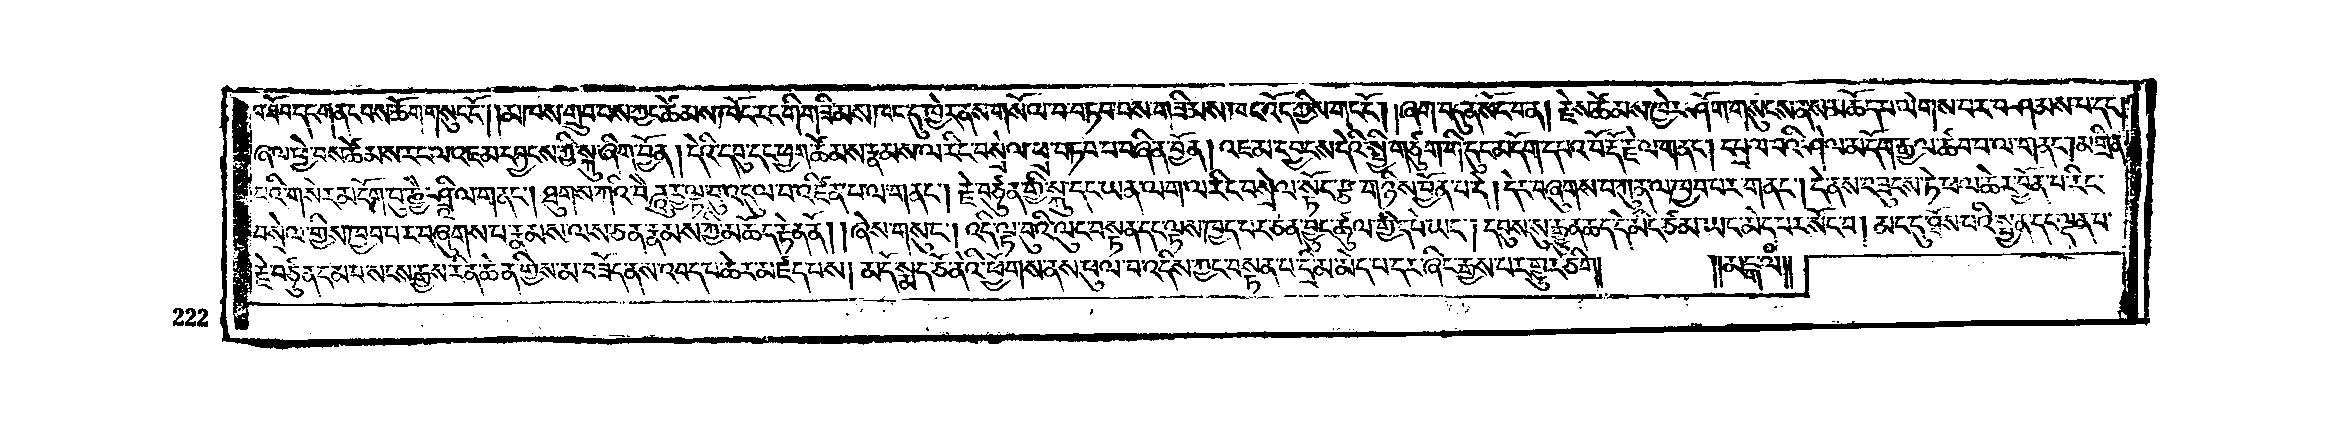བ་ཐོབ་དང་གནང་བས་ཆོག་གསུང་ངོ། །མཁས་གྲུབ་པས་ཀྱང་ཚེམས་ཁོང་རང་གི་གཟིམས་ཁང་དུ་ཁྱེར་ནས་གསོལ་བ་བཏབ་པས་གཟིམས་ཁང་འོད་ཀྱིས་གང་ངོ། །ཞག་བདུན་སོང་བ་ན། རྗེས་ཚེམས་ཁྱེར་ཤོག་གསུངས་ནས་མཆོད་པ་ལེགས་པར་བཤམས་པ་དང་།
ཞལ་ཕྱེ་བས་ཚེམས་རང་ལ་འཇམ་དབྱངས་ཀྱི་སྐུ་ཞིག་བྱོན། དེའི་དབུ་དང་ཕྱག་ཚེམས་རྣམས་ལ་རིང་བསྲེལ་ཕྲ་བཏབ་པ་བཞིན་བྱོན། འཇམ་དབྱངས་དེའི་སྤྱི་གཙུག་གི་དུང་མདོག་དཔའ་བོ་རྡོ་རྗེ་ལ་གནང་། དཔྲལ་བའི་ཤེལ་མདོག་རྒྱལ་ཚབ་པ་ལ་གནང་། མགྲིན་
པའི་གསེར་མདོག་བུ་ཎྱཻ་ཤྲཱི་ལ་གནང་། ཐུགས་ཀའི་བཻཌཱུརྱ་ལྟ་བུ་འདུལ་བ་འཛིན་པ་ལ་གནང་། རྗེ་བཙུན་གྱི་སྐུ་དང་ཡན་ལག་ལ་རིང་བསྲེལ་སྟོང་རྩ་གཉིས་བྱོན་པ་དེ། དེར་བཞུགས་པ་ཀུན་ལ་ཁྱབ་པར་གནང་། དེ་ནས་བཟུངས་ཏེ་ཕལ་ཆེར་བྱོན་པ་རིང་
བསྲེལ་གྱིས་ཁྱབ་པར་བཞུགས་པ་རྣམས་ལས་ཅན་རྣམས་ཀྱི་མཆོད་རྟེན་ནོ། །ཞེས་གསུང་། འདི་ལྟ་བུའི་ལུང་བསྟན་དང་ལྟས་ཁྱད་པར་ཅན་བྱུང་ཚུལ་གྱི་དཔེ་ཡང་། དབུས་སུ་རྒྱུན་ཆད་དེ་མིང་ཙམ་ཡང་མེད་པར་སོང་བ། མང་དུ་ཐོས་པའི་སྤྱན་དང་ལྡན་པ་
རྗེ་བཙུན་དམ་པ་སངས་རྒྱས་རིན་ཆེན་གྱིས་མ་བཟོད་ནས་འབད་པ་ཆེར་མཛད་པས། མདོ་སྨད་ཅོ་ནེའི་ཕྱོགས་ནས་ཕུལ་བ་འདིས་ཀྱང་བསྟན་པ་དྲི་མ་མེད་པ་དར་ཞིང་རྒྱས་པར་གྱུར་ཅིག། །།མངྒ་ལཾ།།